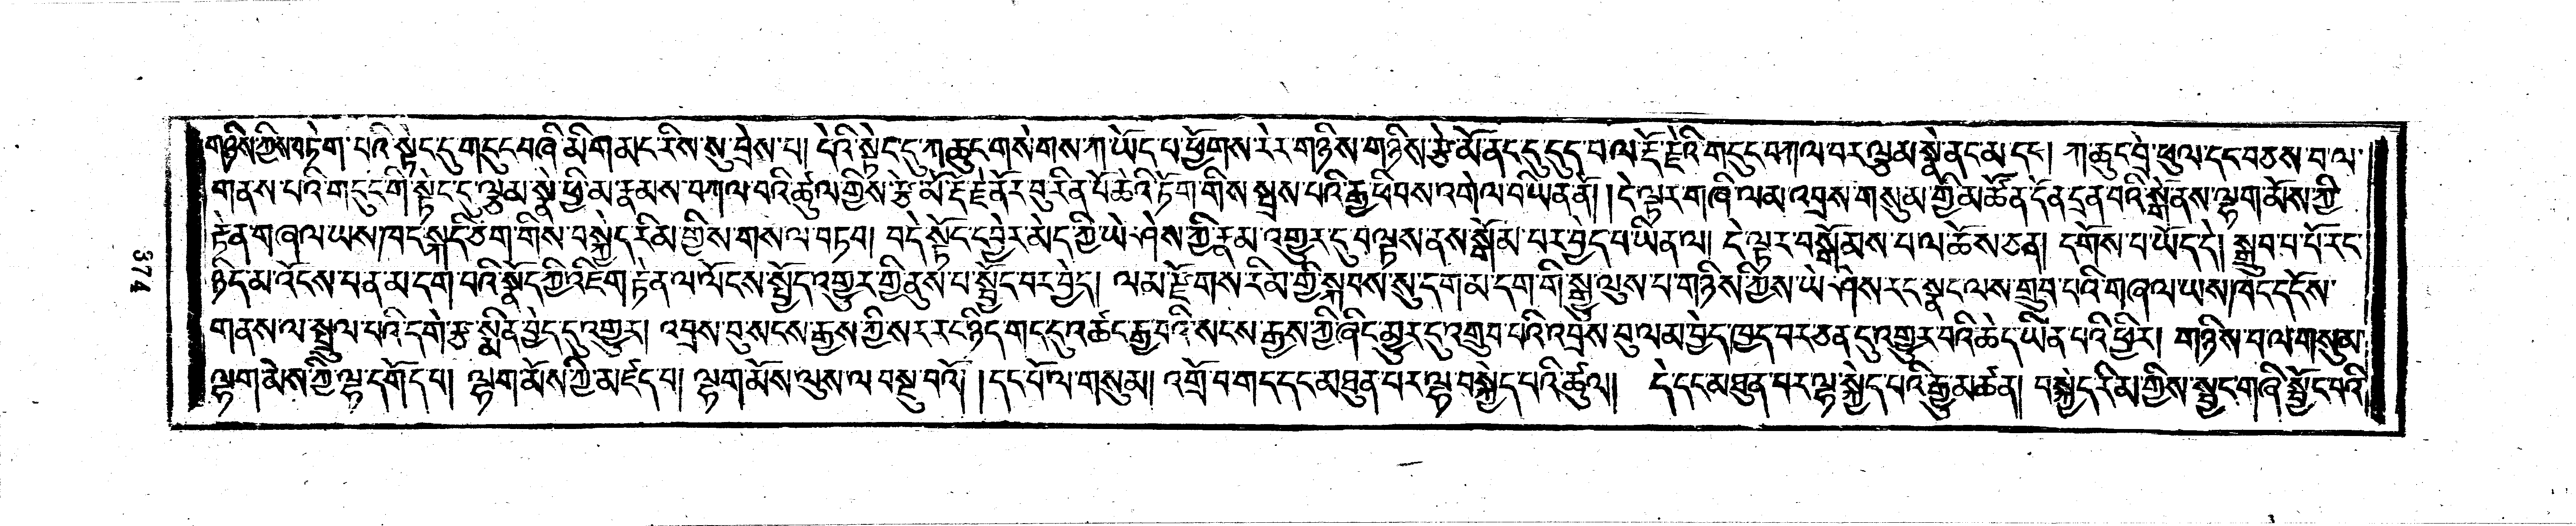གཉིས་ཀྱིས་བཏེག་པའི་སྟེང་དུ་གདུང་བཞི་མིག་མང་རིས་སུ་བྲེས་བ། དེའི་སྟེང་དུ་ཀ་ཆུང་གསེགས་ཀ་ཡོད་པ་ཕྱོགས་རེར་གཉིས་གཉིས་རྩེ་མོ་ནང་དུ་དུད་པ་ལ་རྡོ་རྗེའི་གདུང་བཀལ་བར་ལྕམ་སྣེ་ནང་མ་དང་། ཀ་ཆུང་བྲེ་ཕུལ་དང་བཅས་པ་ལ་
གནས་པའི་གདུང་གི་སྟེང་དུ་ལྕམ་སྣེ་ཕྱི་མ་རྣམས་བཀལ་བའི་ཚུལ་གྱིས་རྩེ་མོ་རྡོ་རྗེ་ནོར་བུ་རིན་པོ་ཆེའི་ཏོག་གིས་སྤྲས་པའི་རྒྱ་ཕིབས་འགེལ་བ་ཡིན་ནོ། །དེ་ལྟར་གཞི་ལམ་འབྲས་གསུམ་གྱི་མཚོན་དོན་དྲན་པའི་སྒོ་ནས་ལྷག་མོས་ཀྱི་
རྟེན་གཞལ་ཡས་ཁང་སྐད་ཅིག་གིས་བསྐྱེད་རིམ་གྱིས་གསལ་བཏག་བདེ་སྟོང་དབྱེར་མེད་ཀྱི་ཡེ་ཤེས་ཀྱི་རྣམ་འགྱུར་དུ་བལྟས་ནས་སྒོམ་པར་བྱེད་པ་ཡིན་ལ། དེ་ལྟར་བསྒོམས་པ་ལ་ཆོས་ཅན། དགོས་པ་ཡོད་དེ། སྒྲུབ་པ་པོ་རང་
ཉིད་མ་འོངས་པ་ན་མ་དག་པའི་སྣོད་ཀྱི་འཇིག་རྟེན་ལ་ལོངས་སྤྱོད་འགྱུར་གྱི་ནུས་པ་སྤྱོད་པར་བྱེད། ལམ་རྫོགས་རིམ་གྱི་སྐབས་སུ་དག་མ་དག་གི་སྒྱུ་ལུས་པ་གཉིས་ཀྱིས་ཡེ་ཤེས་རང་སྣང་ལས་གྲུབ་པའི་གཞལ་ཡས་ཁང་དངོས་
གནས་ལ་སྤྲུལ་པའི་དགེ་རྩ་སྨིན་བྱེད་དུ་འགྱུར། འབྲས་བུ་སངས་རྒྱས་ཀྱི་སར་རང་ཉིད་གང་དུ་འཚང་རྒྱ་བའི་སངས་རྒྱས་ཀྱི་ཞིང་མྱུར་དུ་འགྲུབ་པའི་འབྲས་བུ་ལམ་བྱེད་ཁྱད་པར་ཅན་དུ་འགྱུར་བའི་ཆེད་ཡིན་པའི་ཕྱིར། གཉིས་པ་ལ་གསུམ་
ལྷག་མེས་ཀྱི་ལྷ་དགོད་པ། ལྷག་མོས་ཀྱི་མཛད་པ། ལྷག་མོས་ལུས་ལ་བསྡུ་པའོ། །དང་པོ་ལ་གསུམ། འགྲོ་བ་གང་དང་མཐུན་པར་ལྷ་བསྐྱེད་པའི་ཚུལ། དེ་དང་མཐུན་པར་ལྷ་སྐྱེད་པའི་རྒྱུ་མཚན། བསྐྱེད་རིམ་གྱིས་སྦྱང་གཞི་སྦྱོང་བའི་